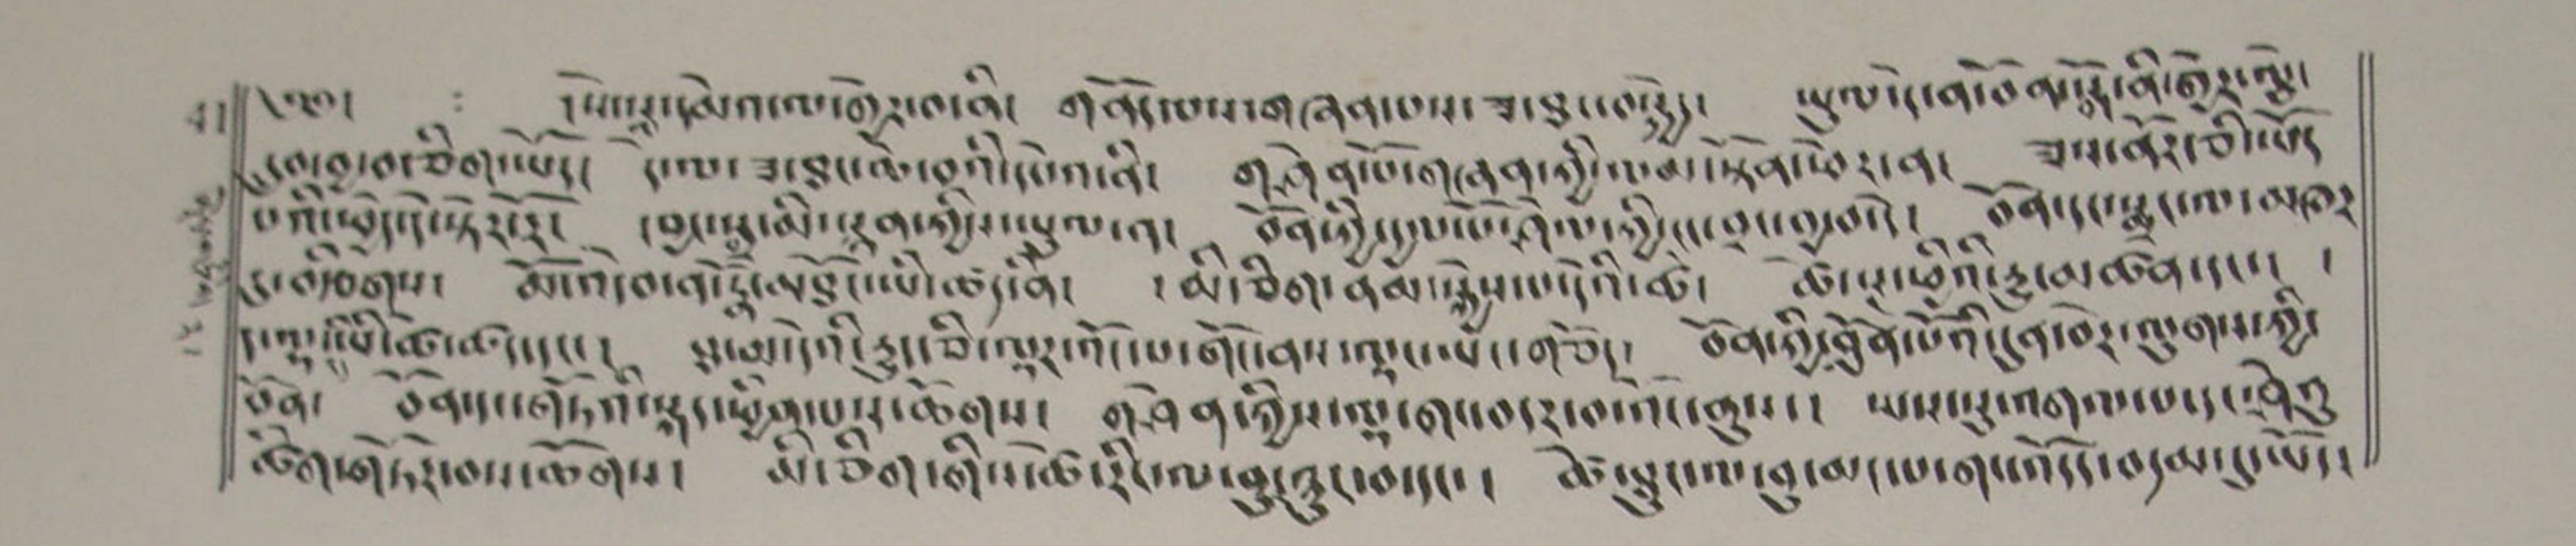༄༅། །སེ་སླ་དམེ་ལ་གྱེར་བ་ནི། གནོད་པས་གཞན་པའི་ཟ་ཐང་བསྐྱེད། ཡུལ་དེ་ན་བོན་སྒོ་ནི་གྱེར་ལྕེ་
དྲུབ་བྱ་བ་ཅིག་ཡོད། དེ་ལ་ཟ་ཐང་ཆེ་བའི་དཔེ་ནི། གཤེན་པོ་གཞན་གྱི་ལམ་སྟོན་ཕེར་ནས། ཟས་ནོར་ཅི་ཡོད་
པའི་ཕྱེད་དེ་སྟེར་རོ། །བྱང་སྒྲ་མི་སྙན་གྱི་ཡུལ་ན། བོན་གྱི་རྒྱལ་བོ་ཤེལ་གྱི་ངང་བྲང་བྱ་བ་དེ། བོན་དང་སྨྲང་ལ་མཁར་
དུ་བརྩིགས། མོ་འདེབ་ན་རྣོ་མཐོང་ཡི་ཚད་ནི། མི་ཅིག་ནམ་སྐྱེས་པ་དེའི་ཚེ། ཚེ་སྔ་ཕྱིའི་རྒྱུ་མཚན་དང་། 
ད་ལྟ་ངིད་ཡི་ཚེ་ཚད་དང་། ཐ་མ་དེའི་རྒྱུད་ཅི་ལྟར་འོང་བ་གོང་ནས་ལྟང་ཡང་གཅོད། བོན་གྱི་བློན་པོའི་དུན་བེར་ལུགས་ཀྱི་
བོན། བོན་དང་གཏོའི་སྐད་ཕྱིན་པས་ཚོགས། གཤེན་གྱིས་ལྷ་གང་བདར་བ་འོང་ནུས། ཡས་སུ་འགལ་བ་དང་ཤེལ་
ཚིག་གཏོར་བས་ཚོགས། མི་ཅིག་གི་ཚེ་རིང་ལ་བུ་ཉུང་བ་དང་། ཚེ་ཐུང་ལ་བུ་མང་བ་དང་གང་འདོད་བདམ་དུ་ཡོད།